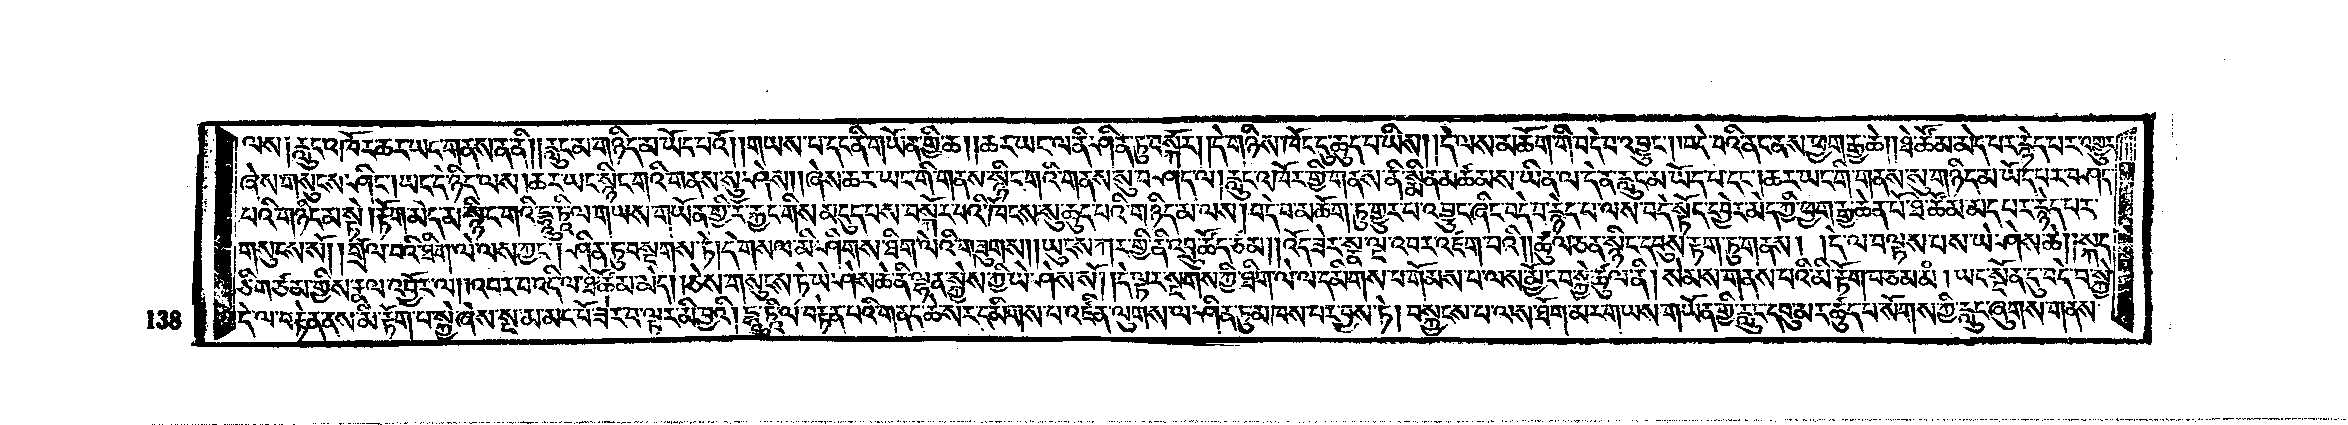ལས། རླུང་འཁོར་ཆར་ཡང་གནས་ན་ནི། །རླུང་མ་གཉིད་མ་ཡོད་པའོ། །གཡས་པ་དང་ནི་གཡོན་གྱི་ཆ། །ཆར་ཡང་ལ་ནི་ཤིན་ཏུ་བསྐོར། །དེ་གཉིས་ཁོང་དུ་ཆུད་པ་ཡིས། །དེ་ལས་མཆོག་གི་བདེ་བ་འབྱུང་། །བདེ་བའི་ནང་ནས་ཕྱག་རྒྱ་ཆེ། །ཐེ་ཚོམ་མེད་པར་རྙེད་པར་འགྱུར་
ཞེས་གསུངས་ཤིང་། ཡང་དེ་ཉིད་ལས། ཆར་ཡང་སྙིང་གའི་གནས་སུ་ཤེས། །ཞེས་ཆར་ཡང་གི་གནས་སྙིང་གའི་གནས་སུ་བཤད་ལ། རླུང་འཁོར་གྱི་གནས་ནི་སྨིན་མཚམས་ཡིན་ལ་དེ་ན་རླུང་མ་ཡོད་པ་དང་། ཆར་ཡང་གི་གནས་སུ་གཉིད་མ་ཡོད་པར་བཤད་
པའི་གཉིད་མ་སྟེ། རྟོག་མེད་མ་སྙིང་གའི་དྷཱུ་ཏཱི་ལ་གཡས་གཡོན་གྱི་རོ་རྐྱང་གིས་མདུད་པས་བསྐོར་བའི་ཁོངས་སུ་ཆུད་པའི་གཉིད་མ་ལས། བདེ་བ་མཆོག་ཏུ་གྱུར་པ་འབྱུང་ཞིང་བདེ་བ་རྙེད་པ་ལས་བདེ་སྟོང་དབྱེར་མེད་ཀྱི་ཕྱག་རྒྱ་ཆེན་པོ་ཐེ་ཚོམ་མེད་པར་རྙེད་པར་
གསུངས་སོ། །གྲོལ་བའི་ཐིག་ལེ་ལས་ཀྱང་། ཤིན་ཏུ་བསྔགས་ཏེ། དེ་གསལ་མི་ཤིགས་ཐིག་ལེའི་གཟུགས། །ཡུངས་ཀར་གྱི་ནི་འབྲུ་ཚོད་ཙམ། །འོད་ཟེར་སྣ་ལྔ་འབར་འཛག་པའི། །ཚུལ་ཅན་སྙིང་དབུས་རྟག་ཏུ་གནས། །དེ་ལ་བལྟས་པས་ཡེ་ཤེས་ཆེ། །སྐད་
ཅིག་ཙམ་གྱིས་རྣལ་འབྱོར་ལ། །འབར་བ་འདི་ལ་ཐེ་ཚོམ་མེད། །ཅེས་གསུངས་ཏེ་ཡེ་ཤེས་ཆེ་ནི་ལྷན་སྐྱེས་ཀྱི་ཡེ་ཤེས་སོ། །དེ་ལྟར་སྔགས་ཀྱི་ཐིག་ལེ་ལ་དམིགས་པ་གོམས་པ་ལས་མྱོང་བ་སྐྱེ་ཚུལ་ནི། སེམས་གནས་པའི་མི་རྟོག་པ་ཙམ་མཾ། ཡང་སྔོན་དུ་བདེ་བ་སྐྱེ་
དེ་ལ་བརྟེན་ནས་མི་རྟོག་པ་སྐྱེ་ཞེས་སྔ་མ་མང་པོ་ཟེར་བ་ལྟར་མི་བྱའི། དྷཱུ་ཏཱི་ལ་བརྟེན་པའི་གནད་ཆེ་སར་དམིགས་པ་འཛིན་ལུགས་ལ་ཤིན་ཏུ་མཁས་པར་བྱས་ཏེ། བསྐྱངས་པ་ལས་ཐོག་མར་གཡས་གཡོན་གྱི་རླུང་དབུ་མར་ཚུད་པ་སོགས་ཀྱི་རླུང་ཞུགས་གནས་